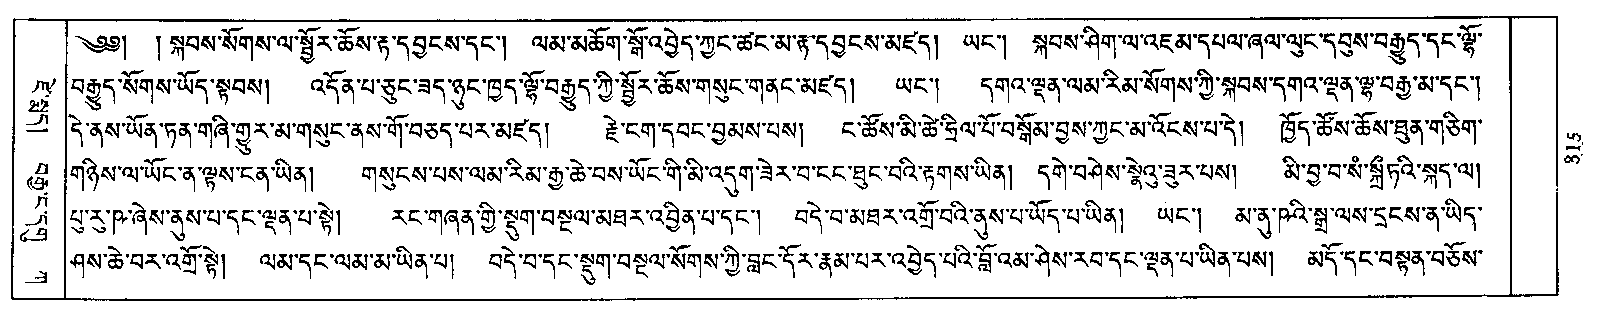༄༅། །སྐབས་སོགས་ལ་སྦྱོར་ཆོས་རྟ་དབྱངས་དང་། ལམ་མཆོག་སྒོ་འབྱེད་ཀྱང་ཚང་མ་རྟ་དབྱངས་མཛད། ཡང་། སྐབས་ཤིག་ལ་འཇམ་དཔལ་ཞལ་ལུང་དབུས་བརྒྱུད་དང་ལྷོ་
བརྒྱུད་སོགས་ཡོད་སྟབས། འདོན་པ་ཅུང་ཟད་ཉུང་ཁྱད་ལྷོ་བརྒྱུད་ཀྱི་སྦྱོར་ཆོས་གསུང་གནང་མཛད། ཡང་། དགའ་ལྡན་ལམ་རིམ་སོགས་ཀྱི་སྐབས་དགའ་ལྡན་ལྷ་བརྒྱ་མ་དང་།
དེ་ནས་ཡོན་ཏན་གཞི་གྱུར་མ་གསུང་ནས་གོ་བཅད་པར་མཛད། རྗེ་ངག་དབང་བྱམས་པས། ང་ཚོས་མི་ཚེ་ཧྲིལ་པོ་བསྒོམ་བྱས་ཀྱང་མ་འོངས་པ་དེ། ཁྱོད་ཚོས་ཆོས་ཐུན་གཅིག་
གཉིས་ལ་ཡོང་ན་ལྟས་ངན་ཡིན། གསུངས་པས་ལམ་རིམ་རྒྱ་ཆེ་བས་ཡོང་གི་མི་འདུག་ཟེར་བ་ངང་ཐུང་བའི་རྟགས་ཡིན། དགེ་བཤེས་སྣེའུ་ཟུར་པས། མི་བྱ་བ་སཾ་སྐྲྀ་ཏའི་སྐད་ལ།
པུ་རུ་ཥ་ཞེས་ནུས་པ་དང་ལྡན་པ་སྟེ། རང་གཞན་གྱི་སྡུག་བསྔལ་མཐར་འབྱིན་པ་དང་། བདེ་བ་མཐར་འགྲོ་བའི་ནུས་པ་ཡོད་པ་ཡིན། ཡང་། མ་ནུ་ཥའི་སྒྲ་ལས་དྲངས་ན་ཡིད་
ཤས་ཆེ་བར་འགྲོ་སྟེ། ལམ་དང་ལམ་མ་ཡིན་པ། བདེ་བ་དང་སྡུག་བསྔལ་སོགས་ཀྱི་བླང་དོར་རྣམ་པར་འབྱེད་པའི་བློ་འམ་ཤེས་རབ་དང་ལྡན་པ་ཡིན་པས། མདོ་དང་བསྟན་བཅོས་